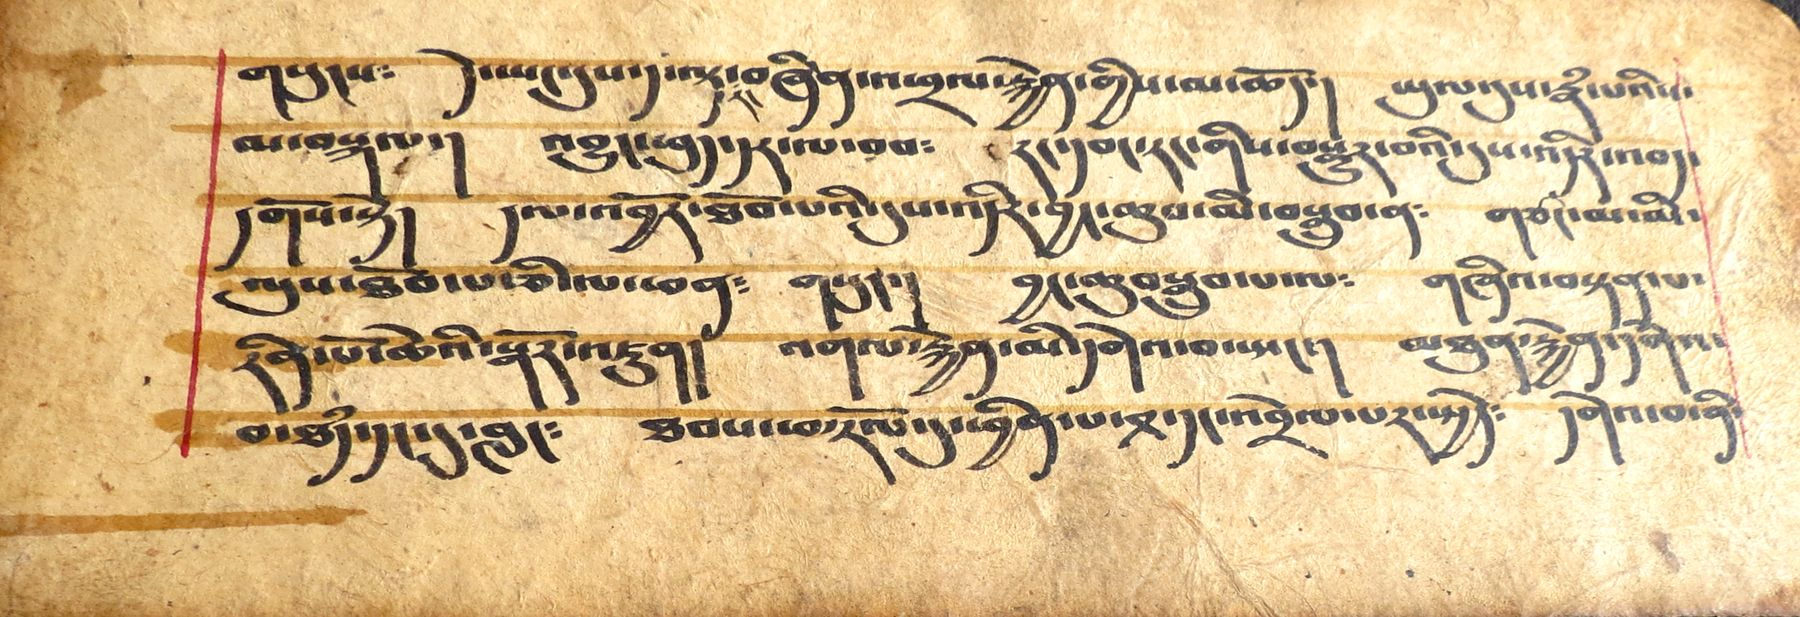གསུངས། དེ་ཡང་དུས་ད་ལྟ་རང་བཞིན་འཕྲལ་རྐྱེན་གྱིས་མ་ཆོད། ཡུལ་དུས་རྣམ་པས་
མ་བསྐལ། འབྱུང་ཕུང་དར་ལ་བབ། རང་དབང་རང་གིས་སྒྱུར་བའི་དུས་འདིར་འབད་
དགོས་སྟེ། དལ་འབྱོར་ཐོབ་པའི་དུས་འདིར་བྱང་ཆུབ་མི་སྒྲུབ་ན། གཙང་མ་མི་
ལུས་ཐོབ་པས་ཅི་ལ་ཕན། གསུངས་སོ། བྱང་ཆུབ་སྒྲུབ་པ་ལ། གཞི་བསྟན་པ་
རིན་པོ་ཆེའི་སྒོར་འཇུག འགལ་རྐྱེན་མི་དགེ་བ་ཐམས་ཅད་སྤངས། མཐུན་རྐྱེན་དགེ་
བ་ཐམས་ཅད་དང་དུ་བླང་། ཐབས་ཕ་རོལ་དུ་ཕྱིན་པ་བཅུ་དང་འབྲེལ་བར་སྤྱད་དེ། དགེ་བ་ནི་